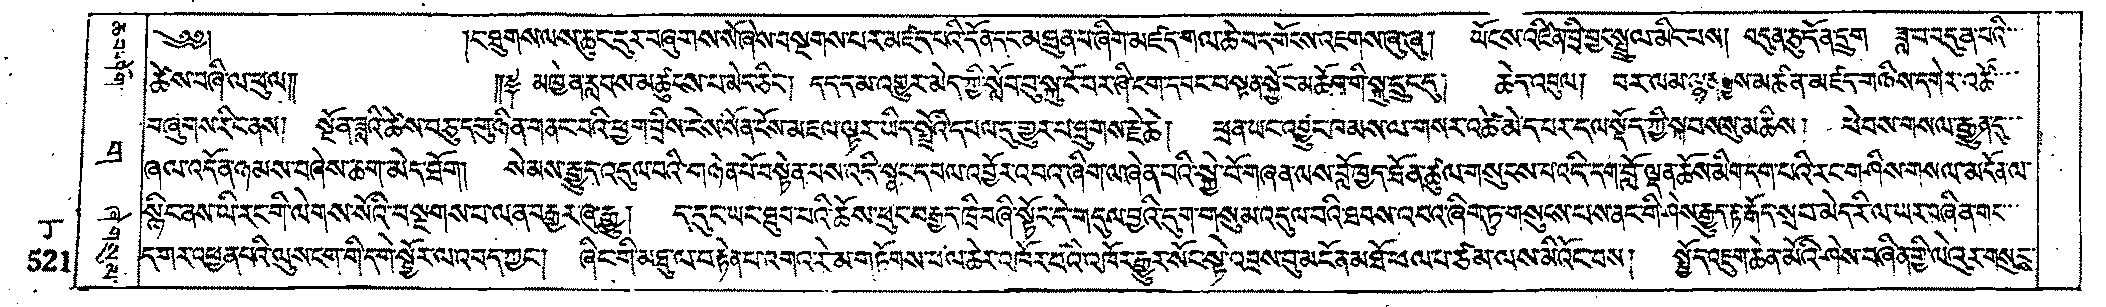༄༅། །ང་ཐུགས་ལས་ཆུང་ངུར་བཞུགས་སོ་ཞེས་བསྔགས་པར་མཛད་པའི་དོན་དང་མཐུན་པ་ཞིག་མཛད་གལ་ཆེ་བ་དགོངས་འཇགས་ཞུ་ཞུ། ཡོངས་འཛིན་ཁྲི་བྱང་སྤྲུལ་མིང་པས། བདུན་ཅུ་དོན་དྲུག་ཟླ་བ་བདུན་པའི་་་
ཚེས་བཞི་ལ་ཕུལ།། །། འ་མཁྱེན་རླབས་མཚུངས་པ་མེད་ཅིང་། དད་དམ་འགྱུར་མེད་ཀྱི་སློབ་བུ་སྐུ་ངོ་བར་ཞི་ངག་དབང་བསྟན་སྐྱོང་མཆོག་གི་སྐུ་དྲུང་དུ། ཆེད་འབུལ། བར་ལམ་ལྷན་རྒྱས་མཚན་མཛད་གཉིས་དགེར་འཚོ་་་
བཞུགས་རིང་ནས། སྔོན་ཟླའི་ཚེས་བཅུ་དགུ་ཉིན་གནང་བའི་ཕྱག་བྲིས་ངེས་སོན་ངོས་མཇལ་ལྟར་ཡིད་སྤྲོའི་དཔལ་དུ་གྱུར་པ་ཐུགས་རྗེ་ཆེ། ཕྲན་ཡང་འབྱུང་ཁམས་ལ་གསར་འཚེ་མེད་པར་དལ་སྡོད་ཀྱི་སྐབས་སུ་མཆིས། ཕེབས་གསལ་རྒྱུན་དུ་་་
ཞལ་འདོན་ཉམས་བཞེས་ཆག་མེད་ཐོག། སེམས་རྒྱུད་འདུལ་བའི་གཉེན་པོ་བསྟེན་པས་འདི་སྣང་དཔལ་འབྱོར་འབའ་ཞིག་ལ་ཞེན་པའི་སྐྱེ་བོ་གཞན་ལས་བློ་ཁྱད་ཐོན་ཚུལ་གསུངས་པ་འདི་དག་བློ་ལྡན་ཆོས་མིག་དག་པའི་རང་གཤིས་གསལ་མངོན་ལ་
སྙིང་ནས་ཡི་རང་གི་ལེགས་སོའི་བསྔགས་པ་ལན་བརྒྱར་ཞུ་རྒྱུ། ད་དུང་ཡང་ཐུབ་པའི་ཆོས་ཕུང་བརྒྱད་ཁྲི་བཞི་སྟོང་དེ་གདུལ་བྱའི་དུག་གསུམ་འདུལ་བའི་ཐབས་འབའ་ཞིག་ཏུ་གསུངས་པས་ནང་གི་ཤེས་རྒྱུད་རྟ་རྒོད་སྲབ་མེད་རི་ལ་ཡང་བཞིན་གང་་་
དགར་འཕྱན་པའི་ལུས་ངག་གི་དགེ་སྦྱོར་ལ་འབད་ཀྱང་། ཞིང་གི་མཐུ་ལ་བརྟེན་པ་འགའ་རེ་མ་གཏོགས་ཕལ་ཆེར་འཁོར་བའི་འཁོར་རྒྱུར་སོང་སྟེ་འབྲས་བུ་མངོན་མཐོ་ཕལ་པ་ཙམ་ལས་མི་འོང་བས། སྤྱོད་འཇུག་ཆེན་མོའི་ཤེས་བཞིན་གྱི་ལེའུར་གསུངས་